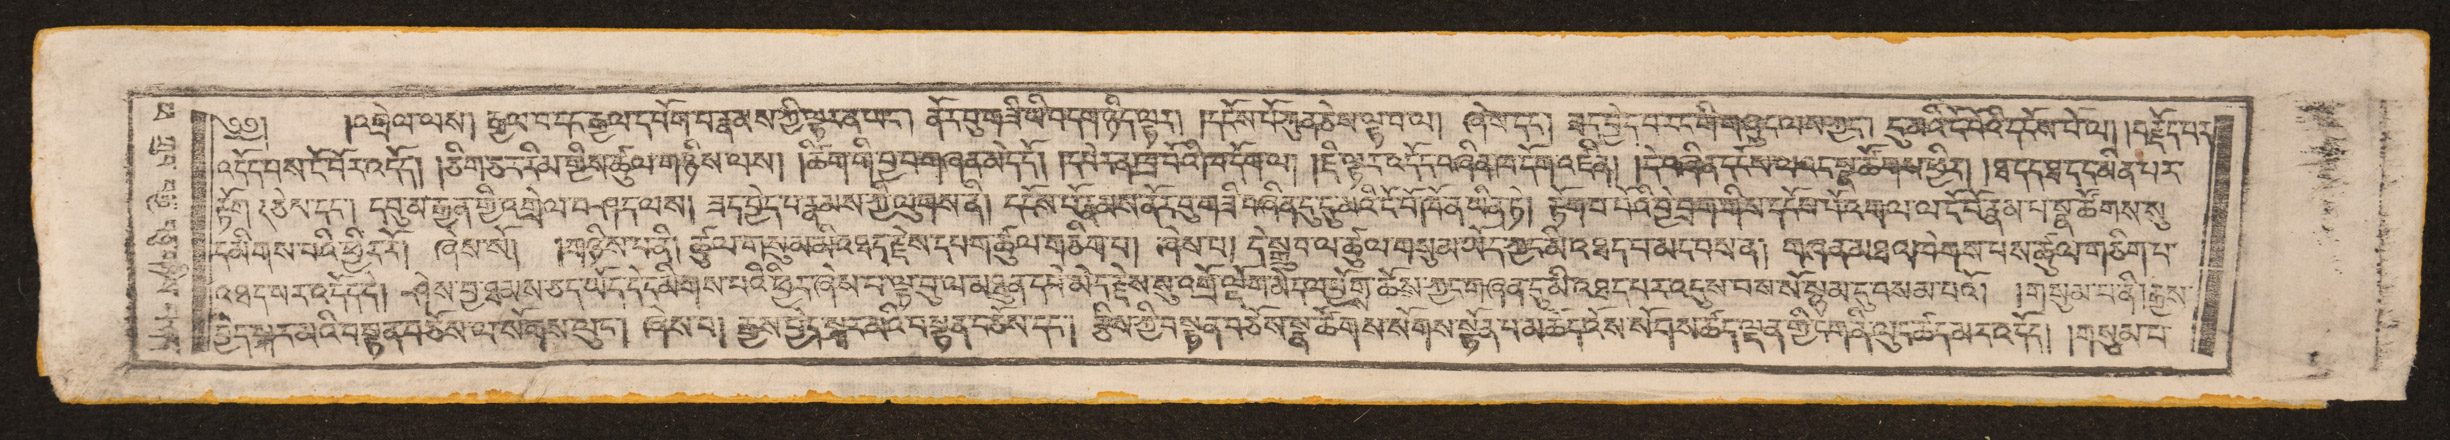༄༅། །འགྲེལ་ལས། རྒྱལ་བ་དང་རྒྱལ་དབོག་བ་རྣམས་ཀྱི་ལྟར་ན་ཡང་། ནོར་བུ་གཟི་ཡི་བདག་ཉིད་ལྟར། །དངོས་པོ་ཀུན་ཅེས་ལྟ་བ་ལ། ཞེས་དང་། ཟད་བྱེད་པ་རང་གི་གཞུང་ལས་ཀྱང་། དུ་མའི་ངོ་བོའི་དངོས་པོ་ལ། །བརྗོད་པར་
འདོད་པས་ངོ་བོར་འདོད། །ཅིག་ཅར་རིམ་གྱིས་ཚུལ་གཉིས་ལས། །ཚིག་གི་བྱ་བ་གཞན་མེད་དོ། །དཔེར་ན་ཁྲ་བོའི་ཁ་དོག་ལ། །ཇི་ལྟར་འདོད་བཞིན་ཁ་དོག་འཛིན། །དེ་བཞིན་དངོས་ལའང་སྣ་ཚོགས་ཕྱིར། །ཐ་དད་ཐ་དད་མིན་པར་
རྟོག༑ ཅེས་དང་། དབུ་མ་རྒྱན་གྱི་འགྲེལ་བཤད་ལས། ཟད་བྱེད་བ་རྣམས་ཀྱི་ལུགས་ནི། དངོས་པོ་རྣམས་ནོར་བུ་གཟི་བཞིན་དུ་དུ་མའི་ངོ་བོ་ཁོ་ན་ཡིན་ཏེ། རྟོག་པ་པོའི་བྱེ་བྲག་གིས་དངོས་པོ་འགལ་ལ་ངོ་བོ་རྣམ་པ་སྣ་ཚོགས་སུ་
དམིགས་པའི་ཕྱིར་རོ། ཞེས་སོ། །གཉིས་པ་ནི། ཚུལ་གསུམ་མི་འཐད་རྗེས་དཔག་ཚུལ་གཅིག་པ། ཞེས་པ། དེ་སྒྲུབ་ལ་ཚུལ་གསུམ་ཡོད་ཀྱང་མི་འཐད་པ་མང་བས་ན། གཞན་མཐའ་ཁེགས་པས་ཚུལ་གཅིག་པ་
འཐད་པར་འདོད་དེ། ཤེས་བྱ་ཐམས་ཅད་ཡོད་དེ་དམིགས་པའི་ཕྱིར་ཞེས་པ་ལྟ་བུ་ལ་མཐུན་དཔེ་མེད་རྗེས་སུ་འགྲོ་ལྡོག་མེད་ལ་ཕྱོགས་ཆོས་ཀྱང་གཞན་དུ་མི་འཐད་པར་འདུས་པས་སོ་སྙམ་དུ་བསམ་པའོ། །གསུམ་པ་ནི། རྒྱས་
བྱེད་སྐར་མའི་བསྟན་བཅོས་ལ་སོགས་ལུང་། ཞེས་པ། རྒྱས་བྱེད་སྐར་མའི་བསྟན་བཅོས་དང་། རྩིས་ཀྱི་བསྟན་བཅོས་སྣ་ཚོགས་སོགས་སྟོན་པ་མཆོད་འོས་སོགས་ཚད་ལྡན་གྱི་དག་ནི་ལུང་ཚད་མར་འདོད། །གསུམ་པ་